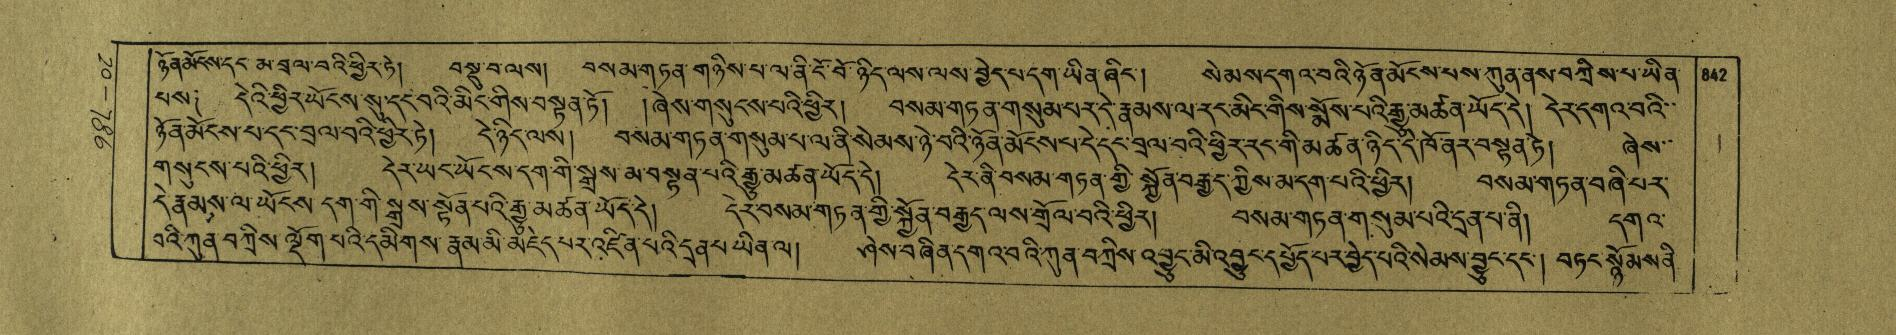ཉོན་མོངས་དང་མ་བྲལ་བའི་ཕྱིར་ཏེ། བསྡུ་བ་ལས། བསམ་གཏན་གཉིས་པ་ལ་ནི་ངོ་བོ་ཉིད་ལས་ལས་བྱེད་པ་དག་ཡིན་ཞིང་། སེམས་དགའ་བའི་ཉོན་མོངས་པས་ཀུན་ནས་བཀྲིས་པ་ཡིན་
པས༑ དེའི་ཕྱིར་ཡོངས་སུ་དང་བའི་མིང་གི་བསྟན་ཏོ། །ཞེས་གསུངས་པའི་ཕྱིར། བསམ་གཏན་གསུམ་པར་དེ་རྣམས་ལ་རང་མིང་གིས་སྨོས་པའི་རྒྱུ་མཚན་ཡོད་དེ། དེར་དགའ་བའི་
ཉོན་མོངས་པ་དང་བྲལ་བའི་ཕྱིར་ཏེ། དེ་ཉིད་ལས། བསམ་གཏན་གསུམ་པ་ལ་ནི་སེམས་ཉེ་བའི་ཉོན་མོངས་པ་དེ་དང་བྲལ་བའི་ཕྱིར་རང་གི་མཚན་ཉིད་དེ་ཁོ་ནར་བསྟན་ཏེ། ཞེས་
གསུངས་པའི་ཕྱིར། དེར་ཡང་ཡོངས་དག་གི་སྒྲས་མ་བསྟན་པའི་རྒྱུ་མཚན་ཡོད་དེ། དེར་ནི་བསམ་གཏན་གྱི་སྐྱོན་བརྒྱད་ཀྱིས་མ་དག་པའི་ཕྱིར། བསམ་གཏན་བཞི་པར་
དེ་རྣམས་ལ་ཡོངས་དག་གི་སྒྲས་སྟོན་པའི་རྒྱུ་མཚན་ཡོད་དེ། དེར་བསམ་གཏན་གྱི་སྐྱོན་བརྒྱད་ལས་གྲོལ་བའི་ཕྱིར། བསམ་གཏན་གསུམ་པའི་དྲན་པ་ནི། དགའ་
བའི་ཀུན་བཀྲིས་ལྡོག་པའི་དམིགས་རྣམ་མི་མཛེད་པར་འཛིན་པའི་དྲན་པ་ཡིན་ལ། ཤེས་བཞིན་དགའ་བའི་ཀུན་བཀྲིས་འབྱུང་མི་འབྱུང་དཔྱོད་པར་བྱེད་པའི་སེམས་བྱུང་དང་། བཏང་སྙོམས་ནི་